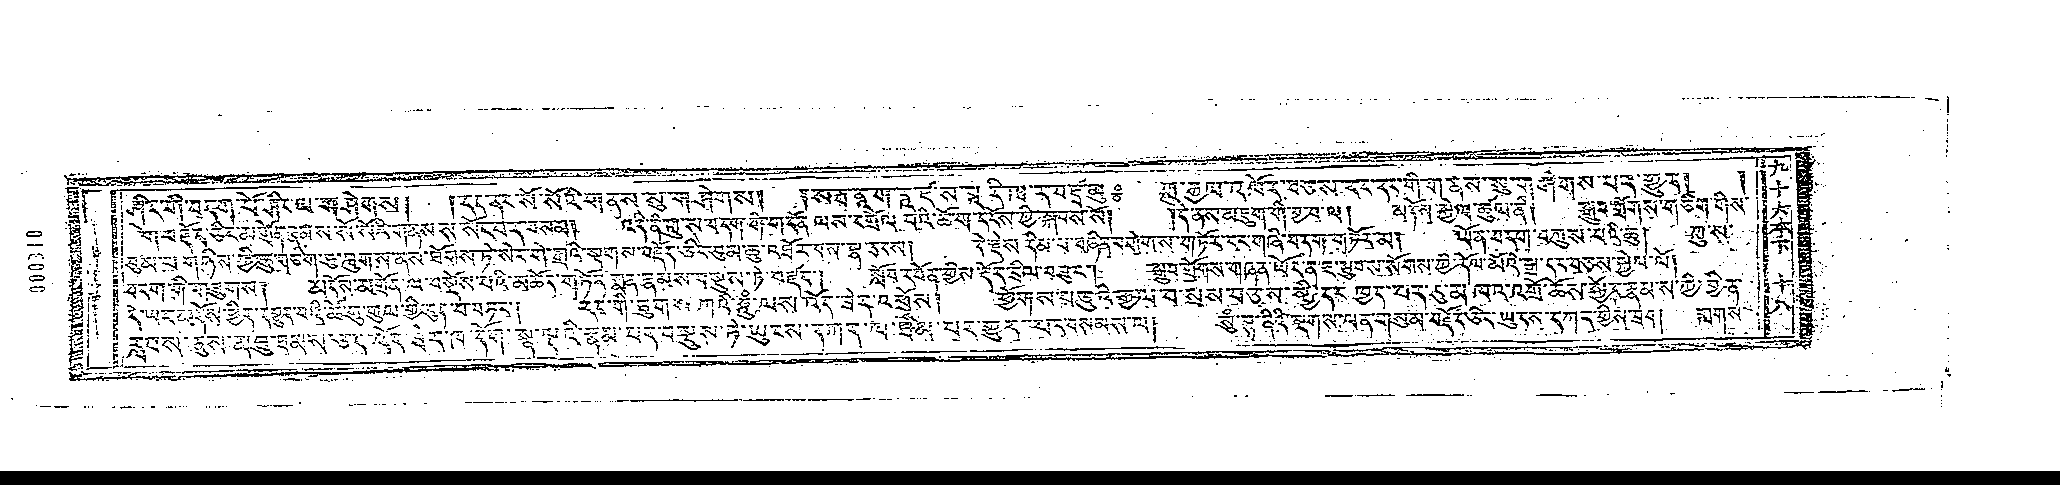ཤིང་གི་བདག་པོ་ཤིང་ལ་གཤེགས། །རང་རང་སོ་སོའི་གནས་སུ་གཤེགས། །སརྦ་ནཱ་ག་རཱ་ཛ་ས་པཱ་རི་ཝ་ར་བཛྲ་མུཿ་ཀླུ་རྒྱལ་འཁོར་བཅས་རང་རང་གི་གནས་སུ་གཤེགས་པར་གྱུར། །
ཞེས་བརྗོད་ཅིང་མགྲོན་རྣམས་སོ་སོའི་གནས་སུ་སོང་བར་བསམ། འདི་ནི་གླུ་ས་བདག་གི་གདོན་ལས་དགྲོལ་པའི་ཆོ་ག་དངོས་ཀྱི་སྐབས་སོ། ༈ །ད་ནས་མཇུག་གི་བྱ་བ་ལ། མདོས་སྐྱེལ་ཚུལ་ནི། སྒྲུབ་གྲོགས་གཅིག་གིས་
བུམ་པ་གཉིས་ཀྱི་ཆུ་གཅིག་ཏུ་ཀླུགས་ནས་ཐོགས་ཏེ་སེང་གེ་སྒྲའི་སྔགས་བརྗོད་ཅིད་བུམ་ཆུ་འཐོར་བས་སྣ་དྲངས། དེ་རྗེས་རིམ་པ་བཞིན་བགེགས་གཏོར་དང་གཞི་བདག་གཏོ་རྨ། ཡོན་བདག་བཀྲུས་པའི་ཆུ། ཀླུས་
བདག་གི་གཟུགས། མདོས་མགྲོན་ལ་བསྔོས་པའི་མཆོད་གཏོར་སྨན་རྣམས་བསྡུས་ཏེ་བརྗོད། སློབ་དཔོན་གྱིས་རྡོར་དྲིལ་བཟུང་། །སྒྲུབ་གྲོགས་གཞན་ཡོད་ན་རྔ་སྦུབས་སོགས་ཀྱི་རོལ་མོའི་སྒྲ་དང་བཅས་སྐྱེལ་ལ།
དེ་ཡང་མདོས་ཕྱིར་དབྱུང་བའི་ཚེ་གུ་གུལ་གྱི་དུད་པ་བཏང་། རང་གི་ཐུགས་ཀའི་ཧཱུཾ་ལས་འོད་ཟེར་འཕྲོས། ཕྱོགས་བཅུའི་རྒྱལ་བསྲས་བཅས་སྦྱི་དང་ཁྱད་བ་དུ་མཁའ་འགྲོ་ཆོས་སྐྱོད་རྣམས་ཀྱི་བྱིན་
རླབས་ནུས་མཐུ་ཐམས་ཅད་འོད་ཟེར་ཁ་དོག་སྣ་ལྡའི་རྣམ་པར་བསྡུས་ཏེ་ཡུངས་དཀར་ལ་ཐིམ་པར་གྱུར་པར་བསམས་ལ། སུཾ་བྷ་ནིའི་སྡགས་ལན་གསུམ་བརྗོད་ཅིང་ཡུངས་དཀར་གྱིས་བྲབ། །གླགས་